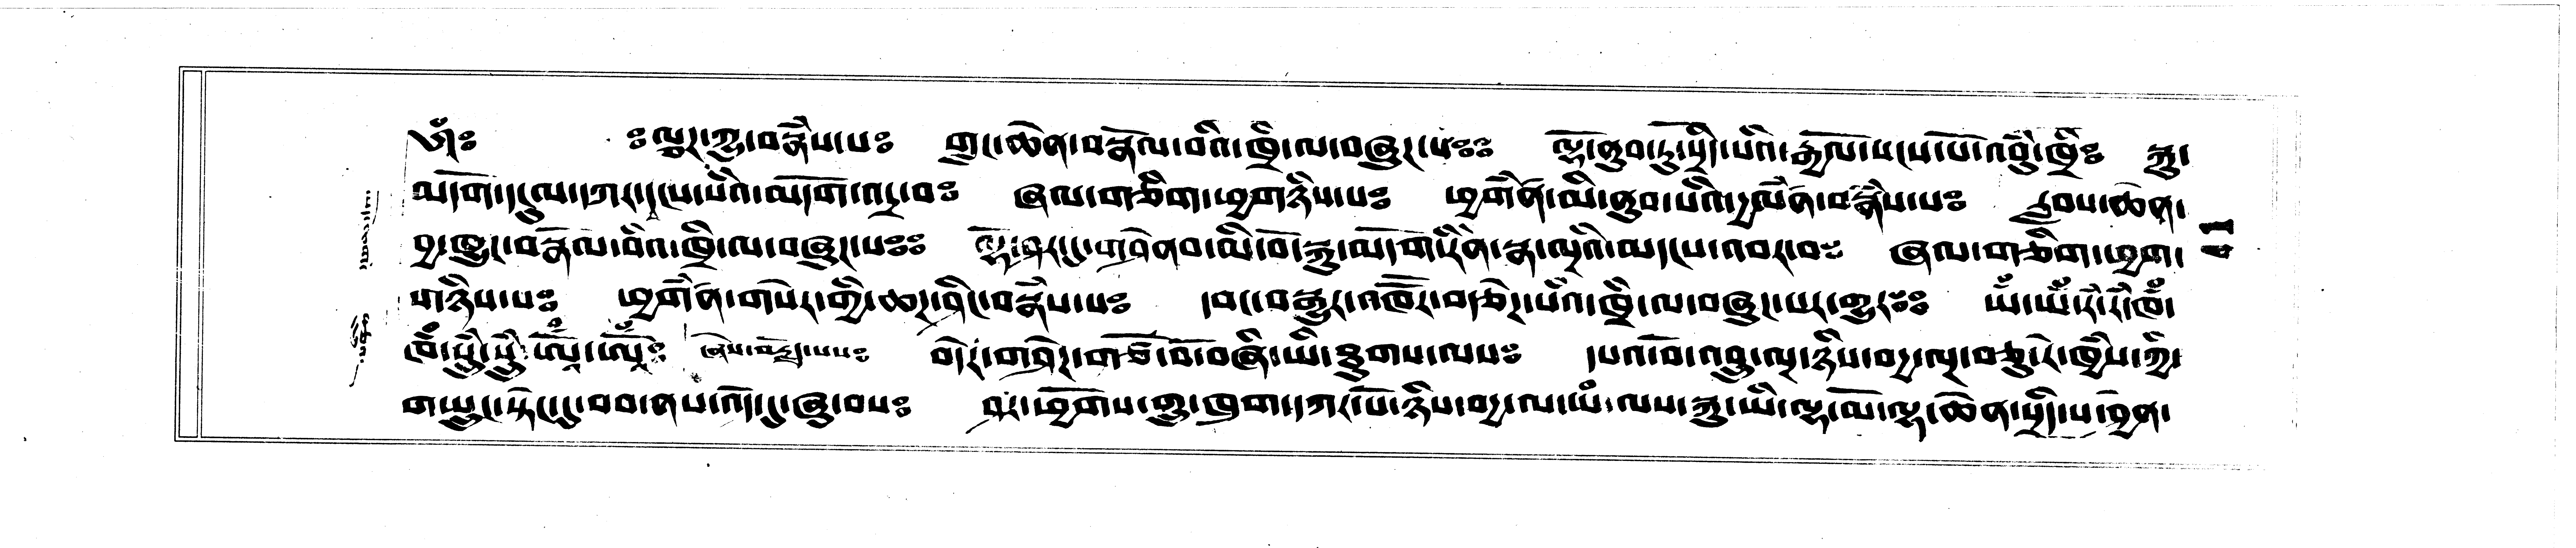ལྕཀྱུ་བསྣམས་པཿ གླང་ཆེན་བསྣོལ་བའི་ཁྲི་ལ་བཞུགས་པཿ ལྷོ་ནུབ་ཏུ་སྲིད་པའི་རྒྱལ་པོ་སངས་པོ་འབུམ་ཁྲིཿ སྐུ་
མདོག་དངུལ་དཀར་དངས་པའི་མདོག་འདྲ་བཿ ཞལ་གཅིག་ཕྱག་གཉིས་པཿ ཕྱག་མཚན་མི་ནུབ་པའི་རྒྱལ་མཚན་བསྣམས་པཿ རླབས་ཆེན་
བྱ་ཁྱུང་བསྣོལ་བའི་ཁྲི་ལ་བཞུགས་པཿ ལྷོ་ཤར་དུ་གཤེན་རབ་མི་བོ་སྐུ་མདོག་རིན་ཆེན་སྣ་ལྔའི་མདངས་འབར་བཿ ཞལ་གཅིག་ཕྱག་
གཉིས་པཿ ཕྱག་མཚན་གསེར་གྱི་ཆག་ཤིང་བསྣམས་པཿ དབང་སྒྱུར་འཁོར་ལོ་བརྩེགས་པའི་ཁྲི་ལ་བཞུགས་པར་གྱུརཿ ཡཾ་ཡཾ་རྃ་རྃ་ཁཾ་
ཁཾ་སྲུྃ་སྲུྃ་ཨཱོྃ་ཨཱོྃ་ཞེས་བརྗོད་པསཿ བདེར་གཤེགས་གཙོ་བོ་བཞི་ཡི་ཐུགས་ལསཿ དཔའ་བོ་འབྲུ་ལྔ་ཉིས་བརྒྱ་ལྔ་བཅུ་རེ་ཁྱམས་ཀྱི་
གཡུང་དྲུང་སྟེང་དུ་བབས་ནས་འོད་དུ་ཞུ་བ་ལསཿ ཤར་ཕྱོགས་གྲུ་ཁུག་དཀར་པོ་ཉིས་བརྒྱ་ལ་ཡཾ་ལས་སྐུ་ཡི་ལྷ་མོ་ལྷ་ཆེན་སྲིད་པ་གཤེན་